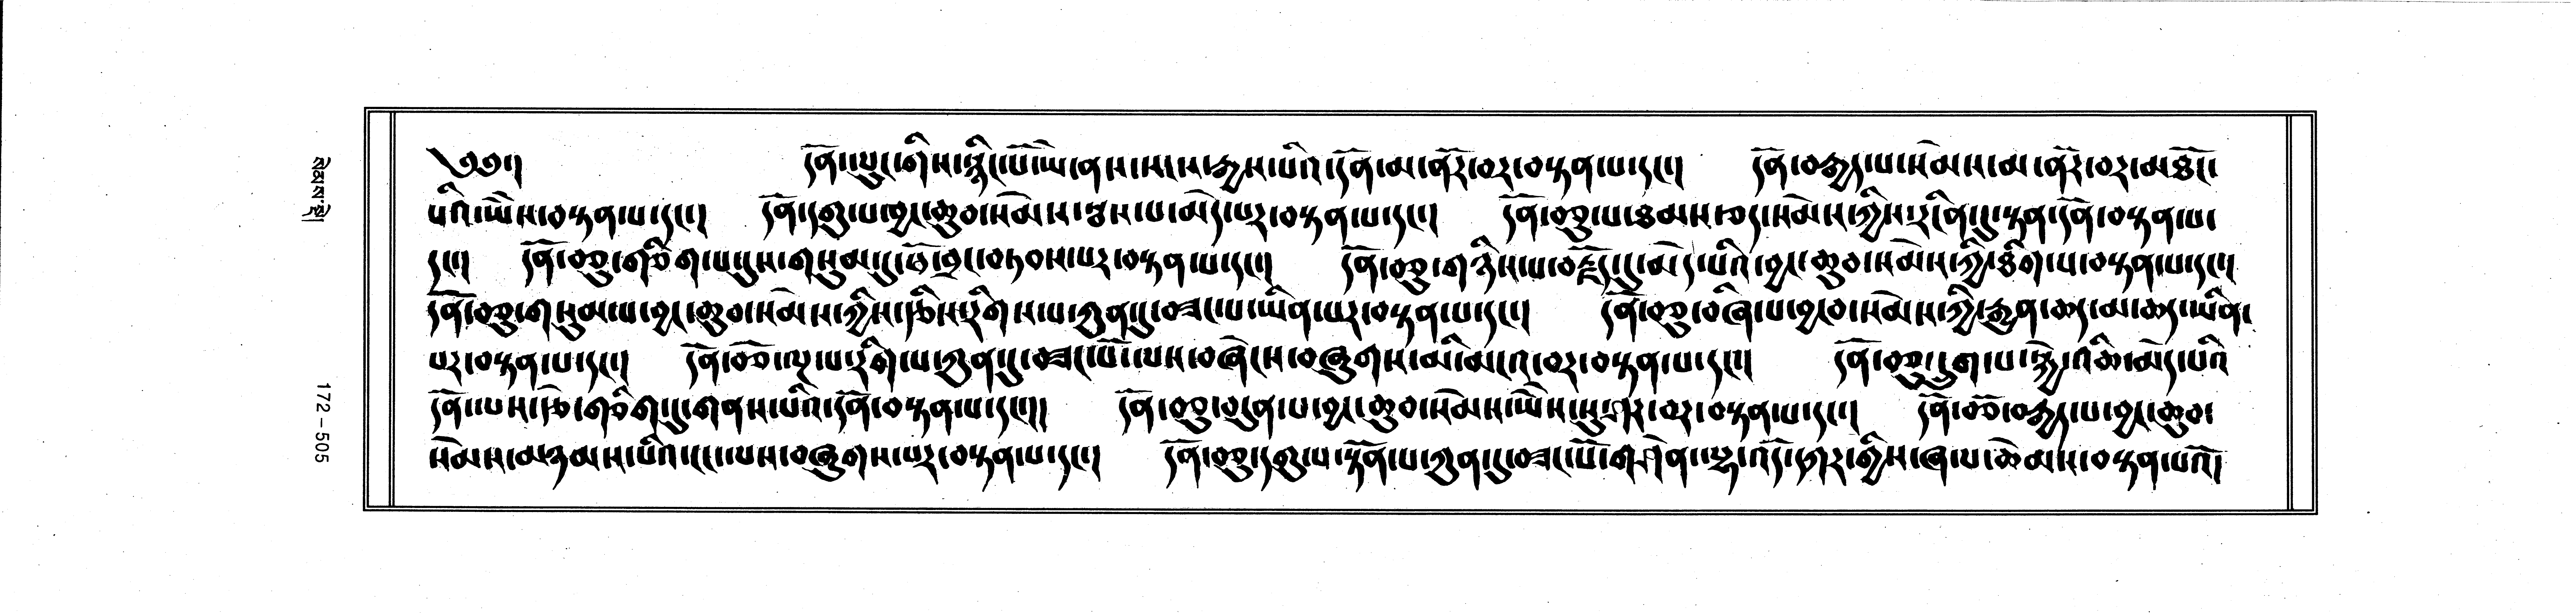དོན་ལུང་གིས་སྙིང་པོ་ཡེ་ནས་སངས་རྒྱས་པའི་དོན་མ་ནོར་བར་བསྟན་པ་དང་། དོན་བརྒྱད་པ་སེམས་མ་ནོར་བར་མཐོང་
པའི་ཡེ་ཤེས་བསྟན་པ་དང་། དོན་དགུ་པ་བྱང་ཆུབ་སེམས་སྦས་པ་མེད་པར་བསྟན་པ་དང་། དོན་བཅུ་པ་ཐམས་ཅད་སེམས་ཀྱིས་རང་བཞིན་དུ་བསྟན་དོན་བསྟན་པ་
དང་། དོན་བཅུ་གཅིག་པ་དུས་གསུམ་དུ་ཕོ་བྲང་བཏབས་པར་བསྟན་པ་དང་། དོན་བཅུ་གཉིས་པ་བརྗོད་དུ་མེད་པའི་བྱང་ཆུབ་སེམས་ཀྱི་ཐིག་པ་བསྟན་པ་དང་། 
དོན་བཅུ་གསུམ་པ་བྱང་ཆུབ་སེམས་ཀྱིས་རྩིས་རིག་པ་ཀུན་ཏུ་བཟང་པོ་ཡིན་པར་བསྟན་པ་དང་། དོན་བཅུ་བཞི་པ་བྱང་ཆུབ་སེམས་ཀྱི་རྒྱུན་ཆད་མ་ཆད་ཡིན་
པར་བསྟན་པ་དང་། དོན་བཅོ་ལྔ་པ་རིག་པ་ཀུན་ཏུ་བཟང་པོ་ལས་བཞེངས་བཞུགས་མི་མངའ་བར་བསྟན་པ་དང་། དོན་བཅུ་དྲུག་པ་སྐྱེ་འཆི་མེད་པའི་
དོན་ལས་རྩེ་གཅིག་དུ་གནས་པའི་དོན་བསྟན་པ་དང་། དོན་བཅུ་བདུན་པ་བྱང་ཆུབ་སེམས་ཡེ་ཤེས་སུ་ཤར་བར་བསྟན་པ་དང་། དོན་བཅོ་བརྒྱད་པ་བྱང་ཆུབ་
སེམས་མཉམ་པའི་ངང་ལས་བཞུགས་པར་བསྟན་པ་དང་། དོན་བཅུ་དགུ་པ་སྟོན་པ་ཀུན་ཏུ་བཟང་པོ་གཤེན་ལྷ་འོད་དཀར་གྱིས་ཞལ་ཆེམས་བསྟན་པའོ།